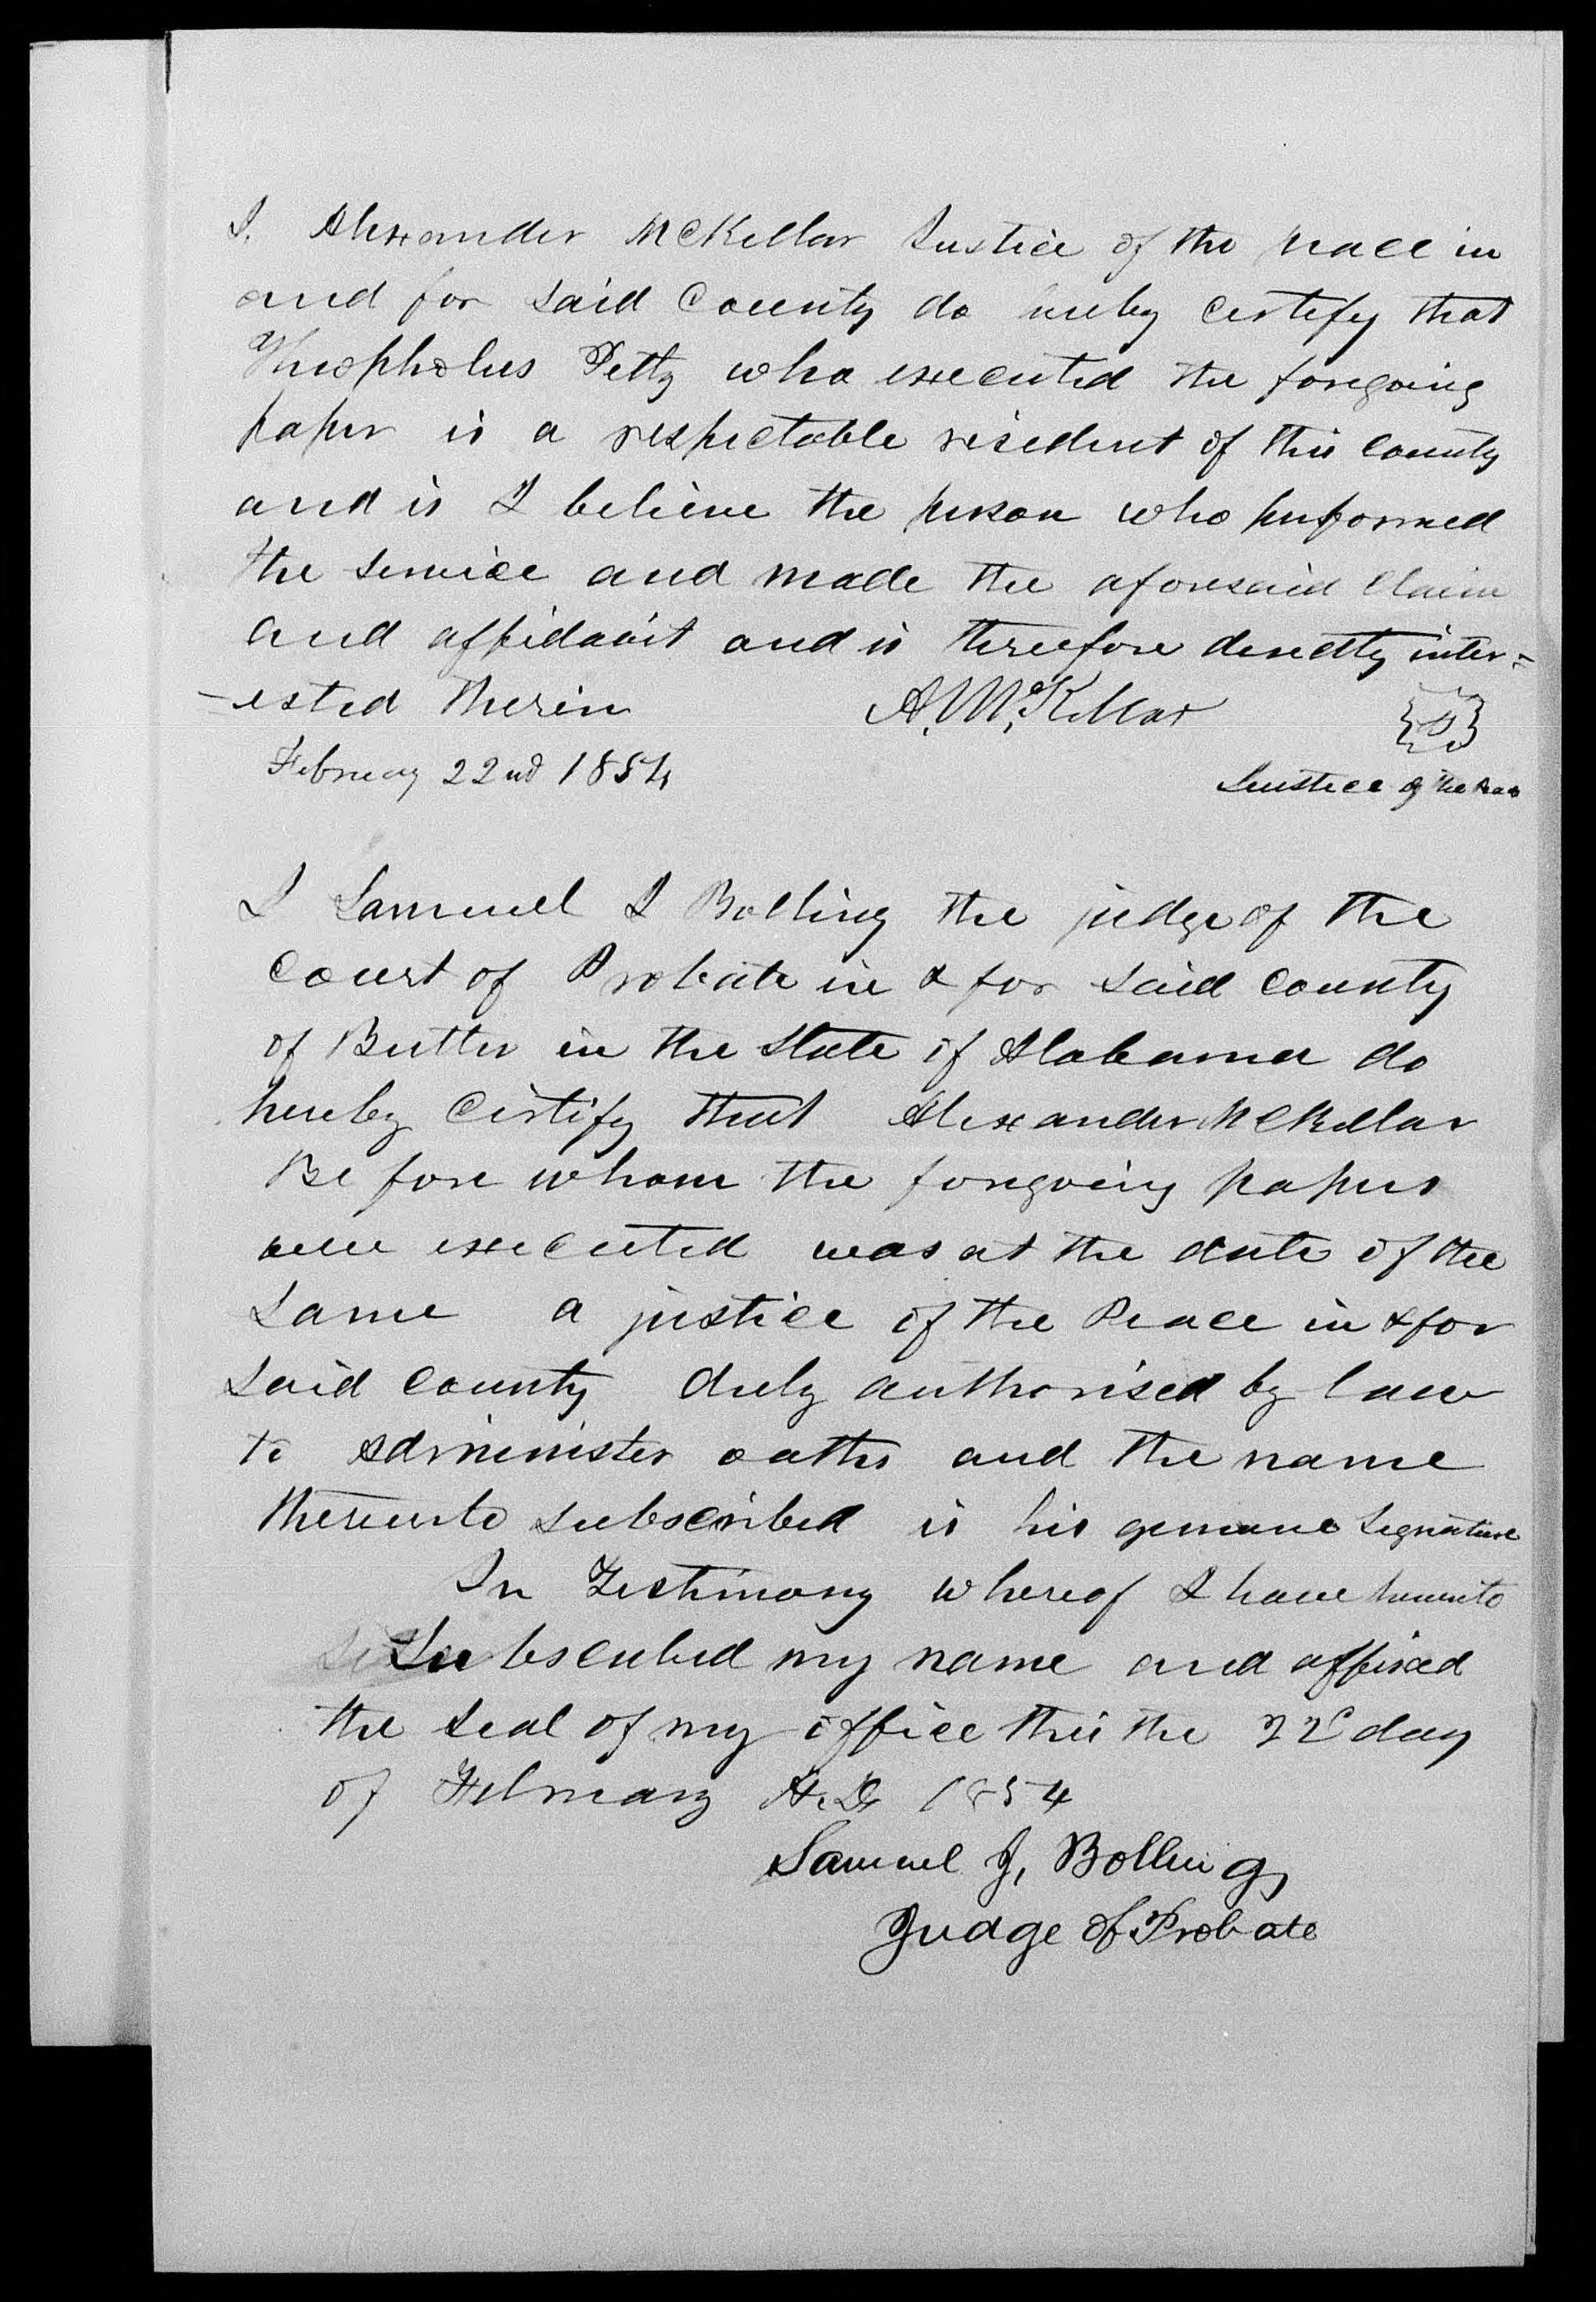I Alexander McKellar justice of the peace in and for said county do hereby certify that Theopholus Petty who executed the foregoing paper is a respectable resident of this county and is I believe the person who performed the service and made the aforesaid claim and affidavit and is therefore directly interested therein AMcKellar JP Justice of the peace
February 22nd 1854 
I Samuel J Bolling the judge of the court of probate in & for said county of Butler in the state of Alabama do hereby certify that Alexander McKellar before whom the forgoing papers were executed was at the date of the same a justice of the peace in & for said county duly authorised by law to administer oaths and the name thereunto subscribed is his genuine signature
In testimony whereof I have hereunto subscribed my name and affixed the seal of my office this the 22d day of February AD 1854
Samuel J Bolling
Judge of Probate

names: Samuel J Bollings; Alexander Mc Kellar; Theopholus Petty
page: 26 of 26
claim: rejected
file: R. 8,161, for Theophilus Petty, South Carolina